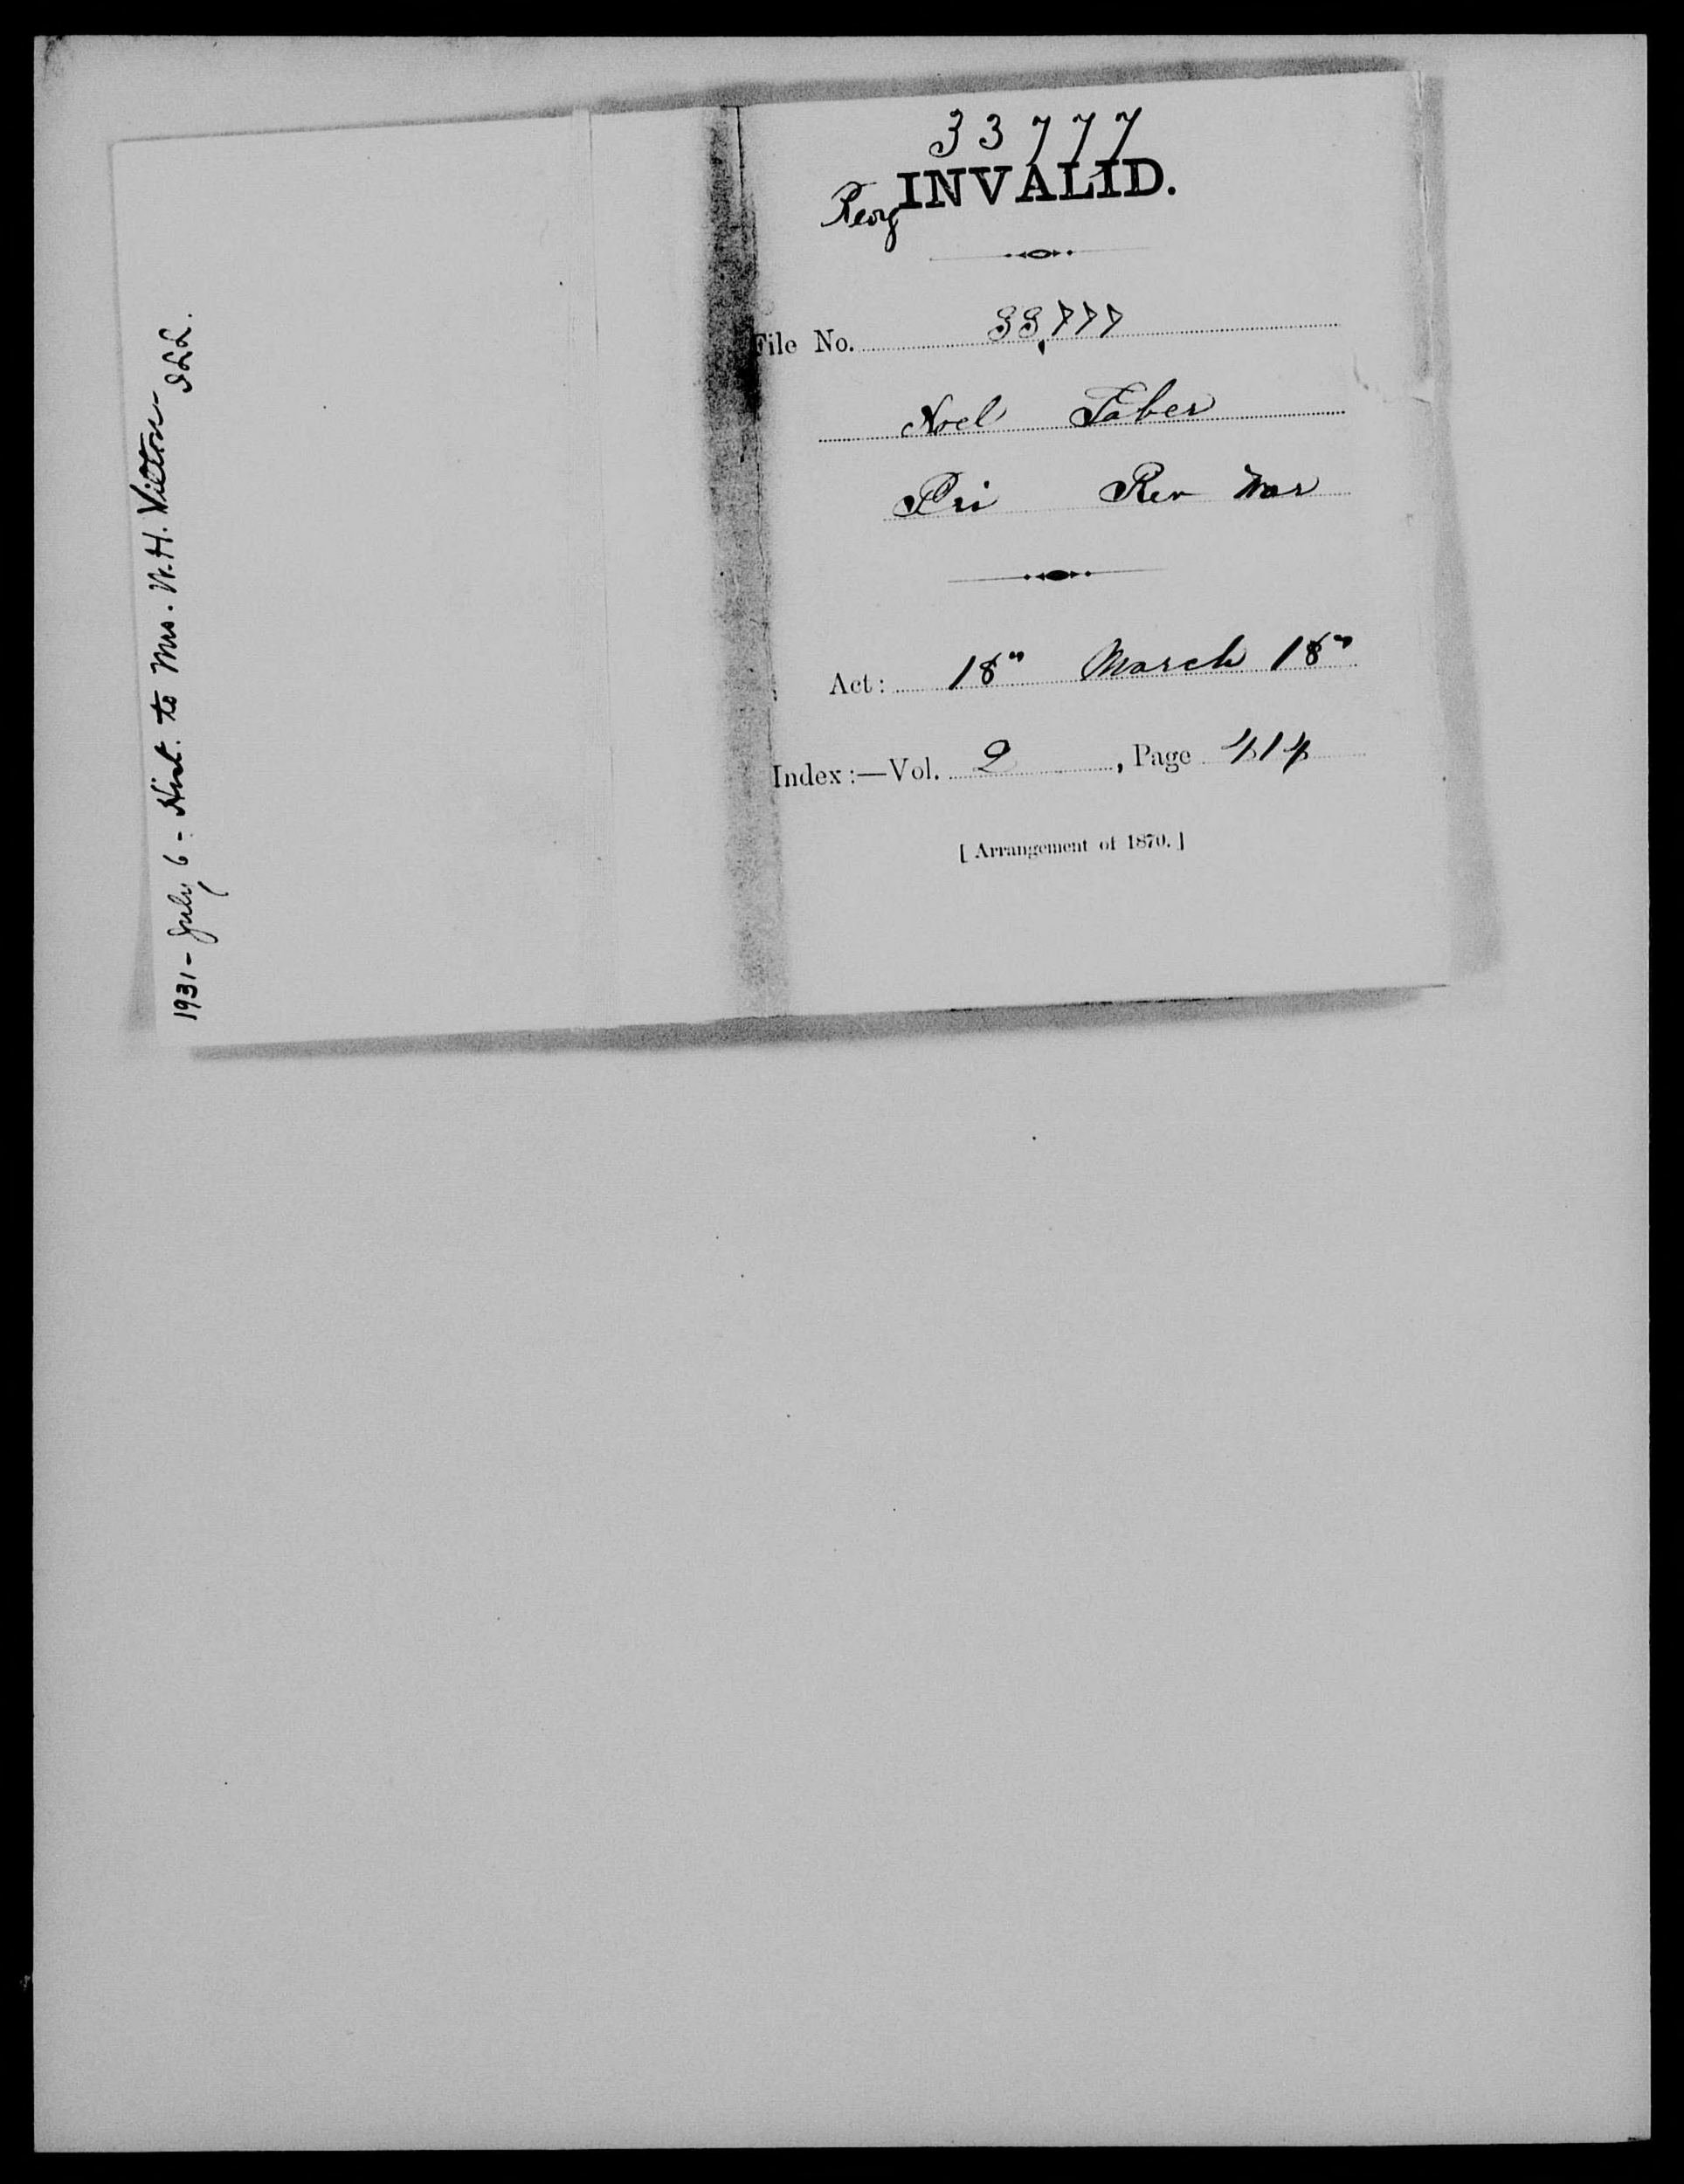33777
[illegible]
INVALID
FileNo. 33777
Noel Taber
Piv Rev War
Act: 18 March 18[illegible]
Index: Vol. 2 Page 414
[Arrangements of 1870]
1931 July 6 Hist to Mrs. W.H. Vitton
I L L.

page: 18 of 22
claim: survivor's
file: S 33777, for Noel Taber, Rhode Island